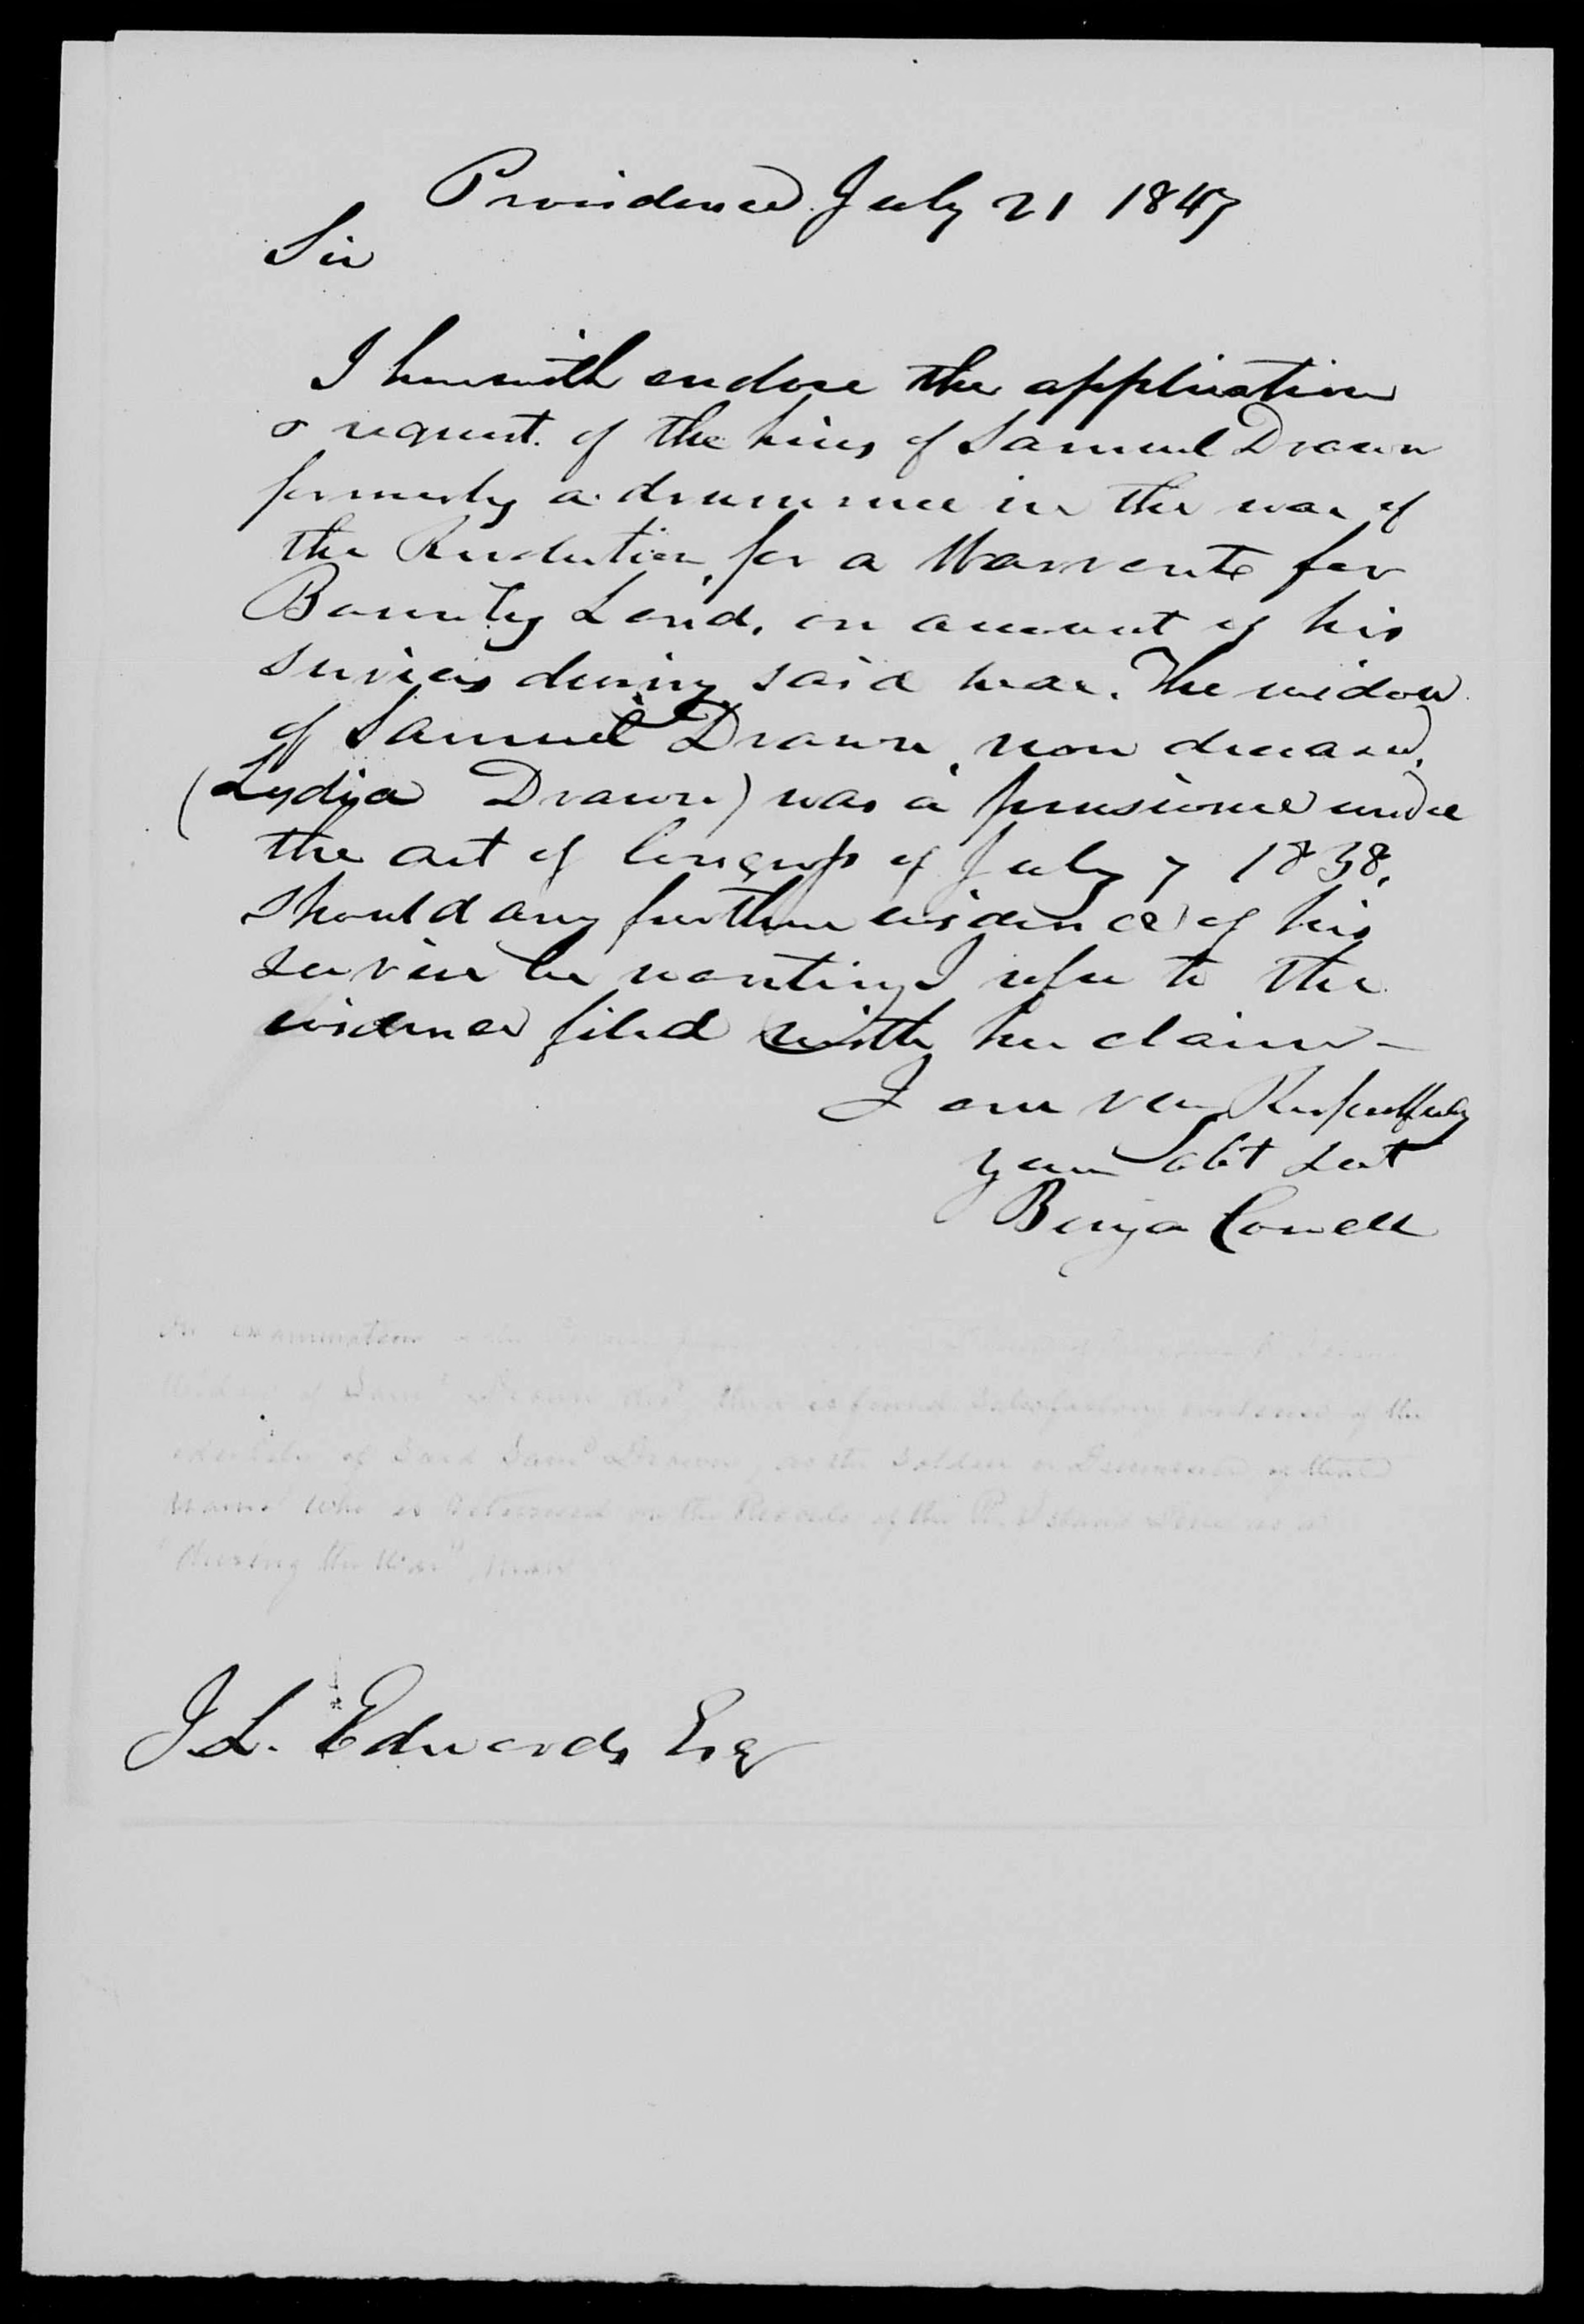Providence July 21 1847

Sir
I herewith enclose the application & 
request of the heirs of Samuel Drown
formerly a drummer in the war of
the Revolution, for a Warrant for
Bounty Land, on account of his
services during said war.  The widow
of Samuel Drown, now deceased
(Lydia Drown) was a pensioner under the
act of Congress of July 7 1838.
Should any further evidence of his
service be wanting I refer to the
evidence filed with her claim-
I am very Respectfully
your obt sert
Benja Cowell

[illegible paragraph]

J. L. Edwards Esq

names: Benja Cowell, J L Edwards, Samuel Drown, Lydia Drown, Samuel Drown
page: 28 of 31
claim: widow's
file: W 21004, Samuel Drown, R.I.